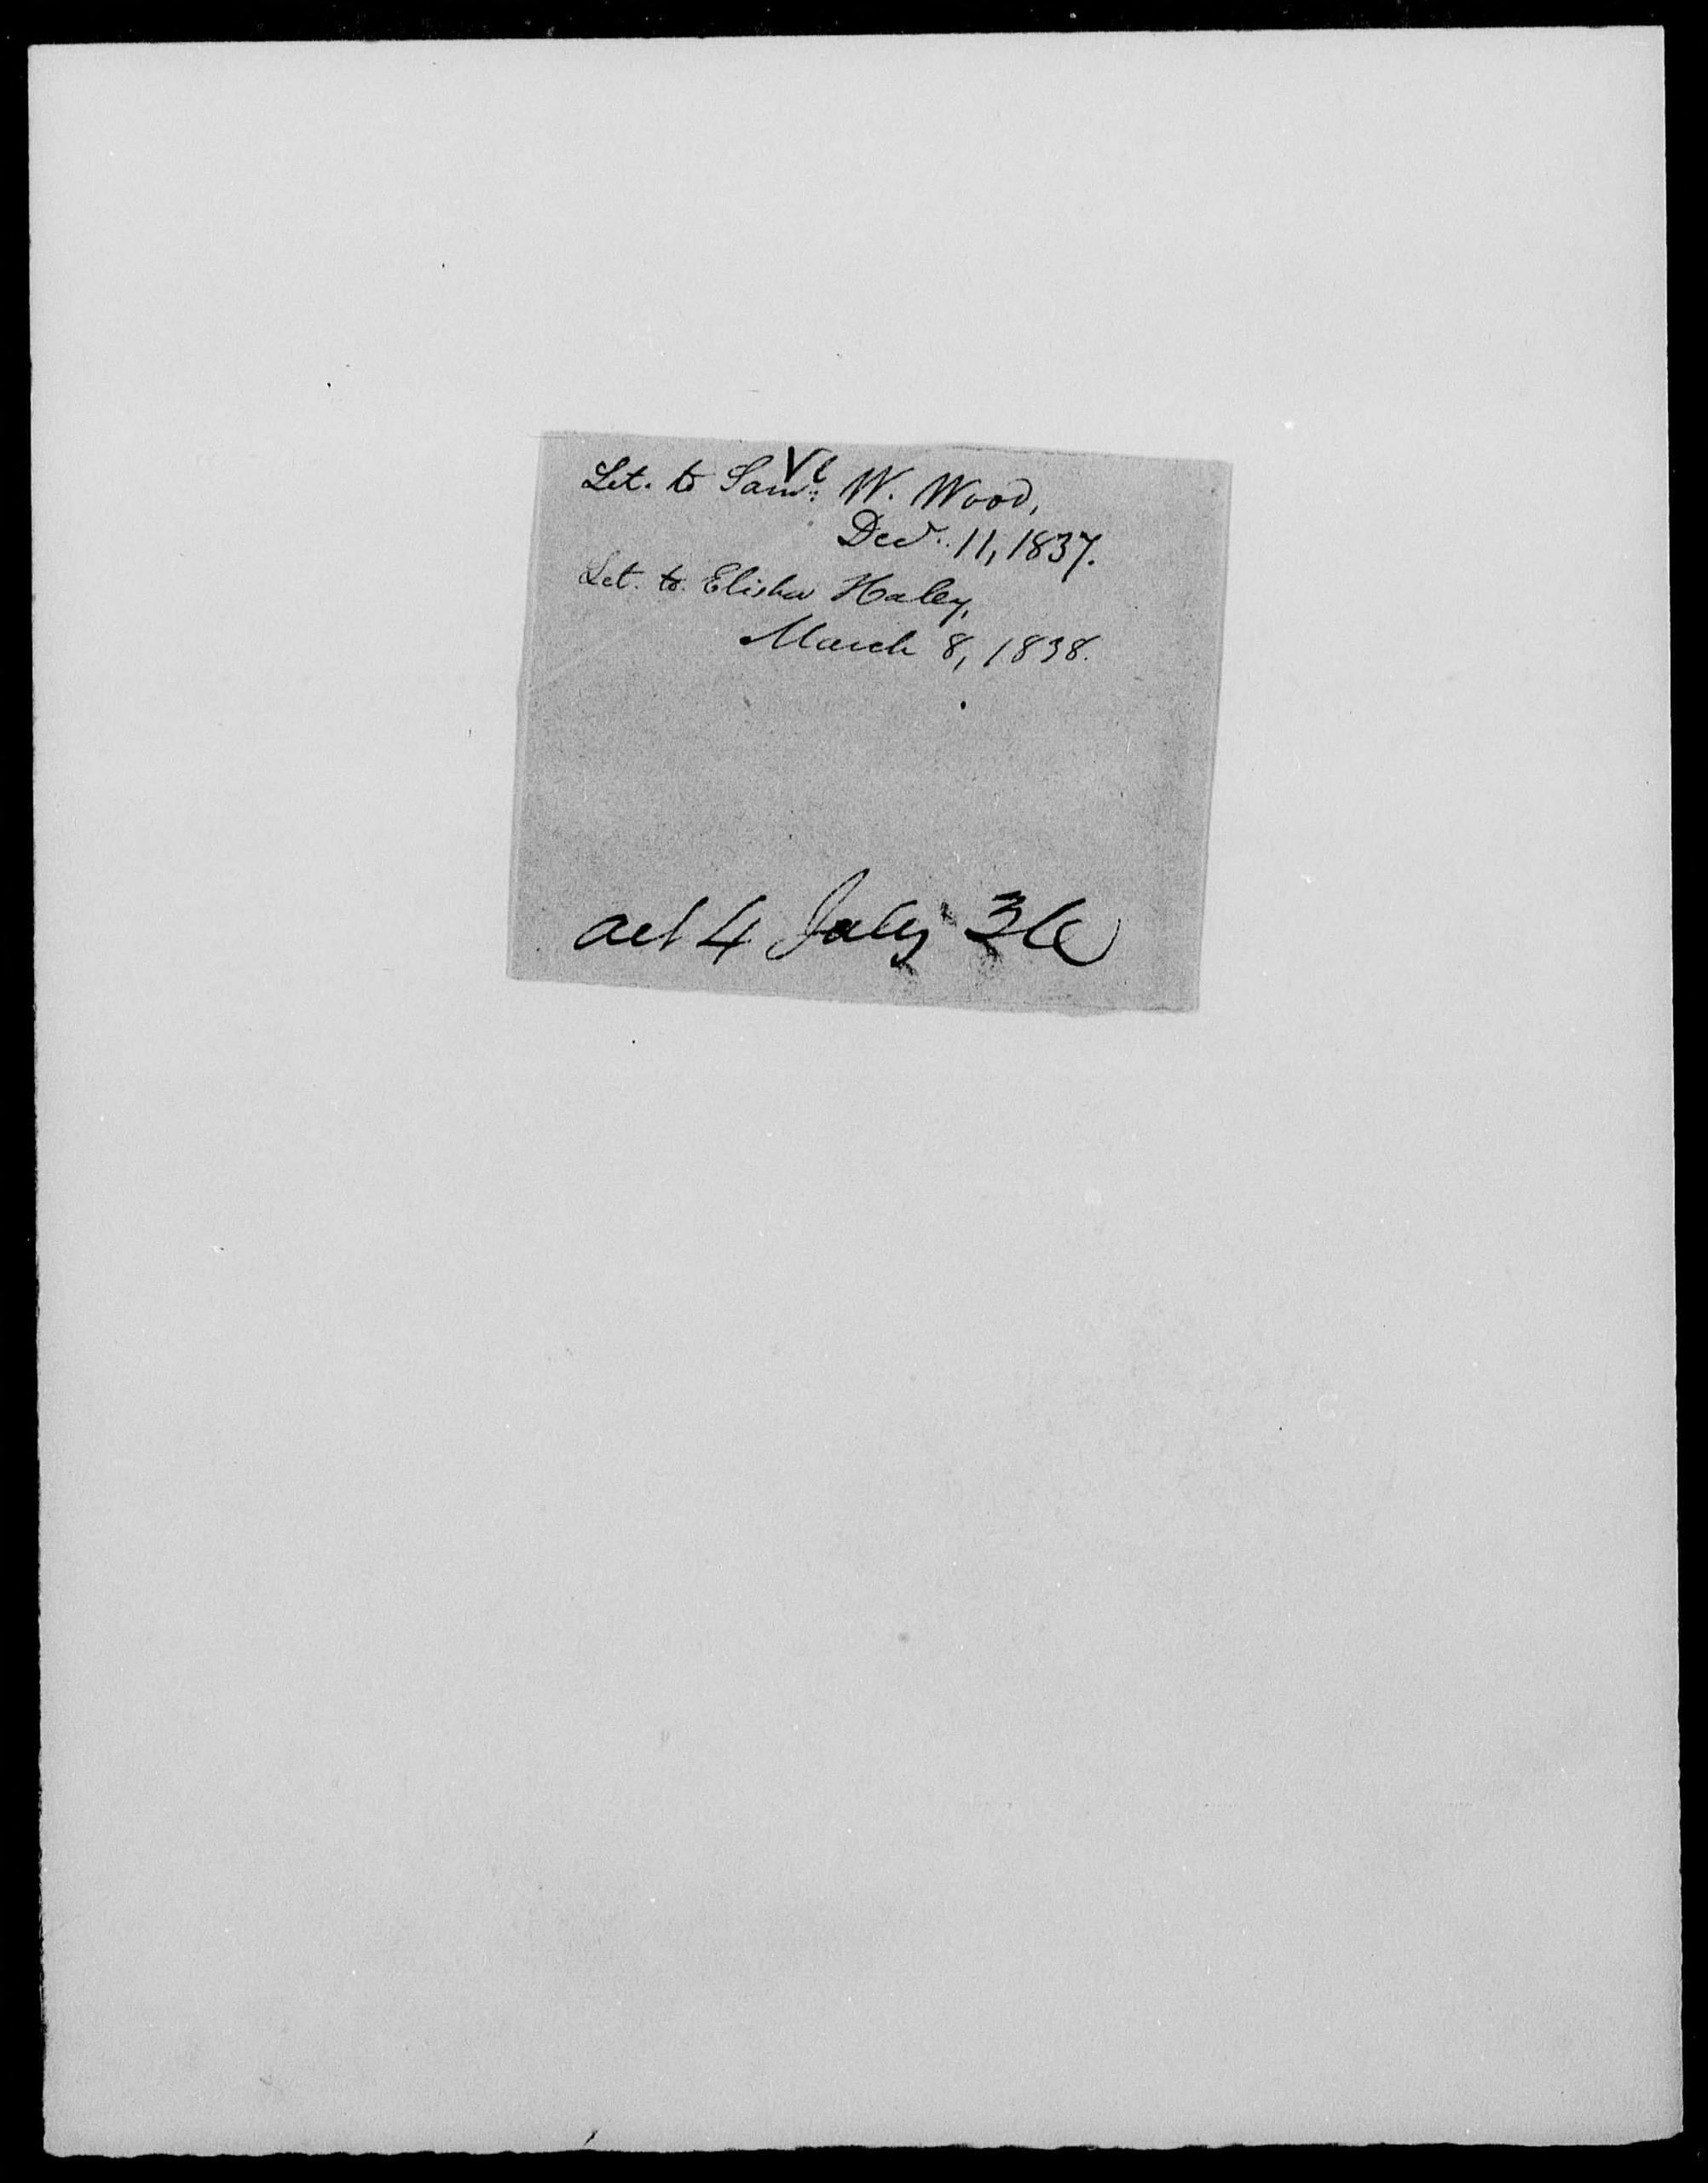Let. to Saml W. Wood, Dec. 11, 1837
Let. to Elisha Haley, March 8, 1838
Act 4 July 36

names: Saml W Wood, Elisha Haley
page: 14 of 48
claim: widow's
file: W. 17,628, Arnold Clarke, R.I.